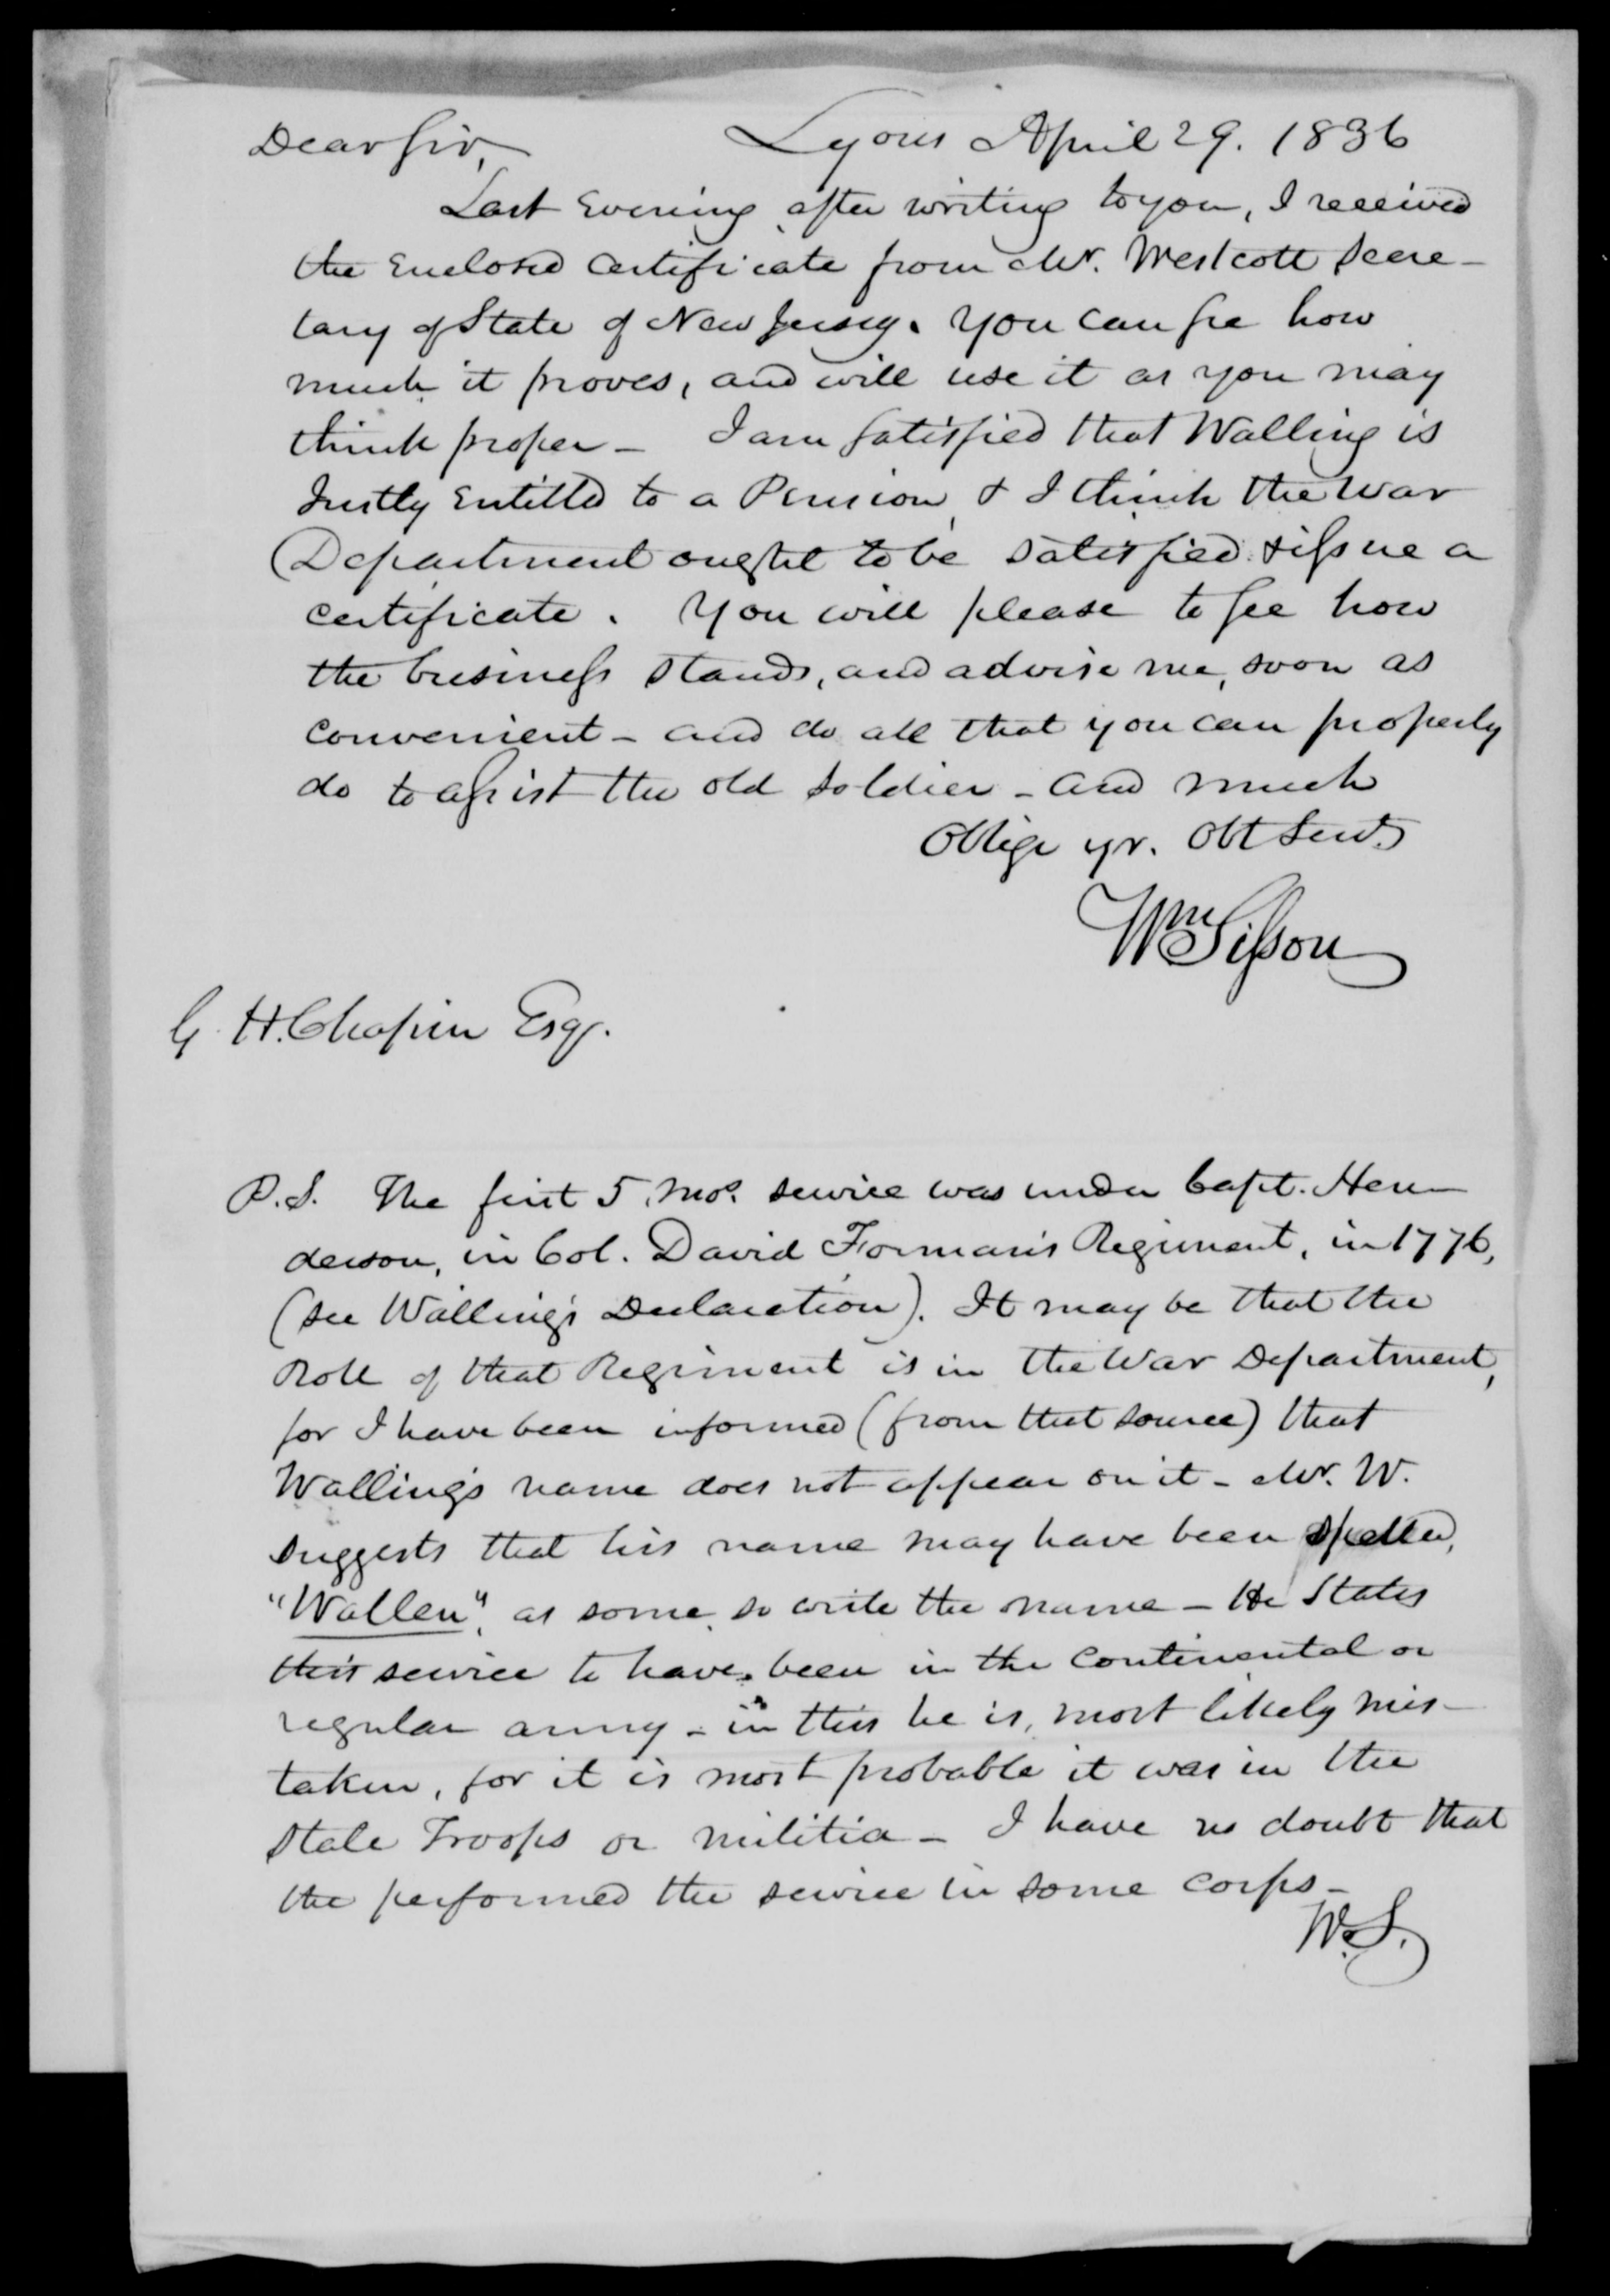Lyons April 29, 1836
Dear Sir,

Last evening after writing to you, I received the enclosed certificate from Mr. Wescott Secretary of State of New Jersey.  You can see how much it proves, and will use it as you may think proper.  I am satisfied that Walling is justly entitled to a Pension & I think the War Department ought to be satisfied & issue a certificate.  You will please to see how the business stands, and advise me, soon as convenient and do all that you can properly do to assist this old soldier.  Am much obliged Yr (illegible) (signature) Wm Sisson

G.H. Chapin Esq

P.S. The first 5 mos. service was under Capt. Henderson in Col. David Forman's Regiment in 1776 (see Walling's Declaration).  It may be that the role of that Regimnent is in the War Department for I have been informed (from that source) that Walling's name does not appear on it.  Mr. W suggests that his name may have been spelled "Wallen" as some do write the name.  He states this service to have been in the continental or regular army in this he is most likely mistaken for it is most probable it was in the State Troops or militia.  I have no doubt that he performed the service in some corps. W.S.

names: Wm Sisson, Walling, Westcott, Walling, Wallen, Henderson, G H Chapin, Walling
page: 58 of 66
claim: widow's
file: W. 19588, William Walling, New Jersey